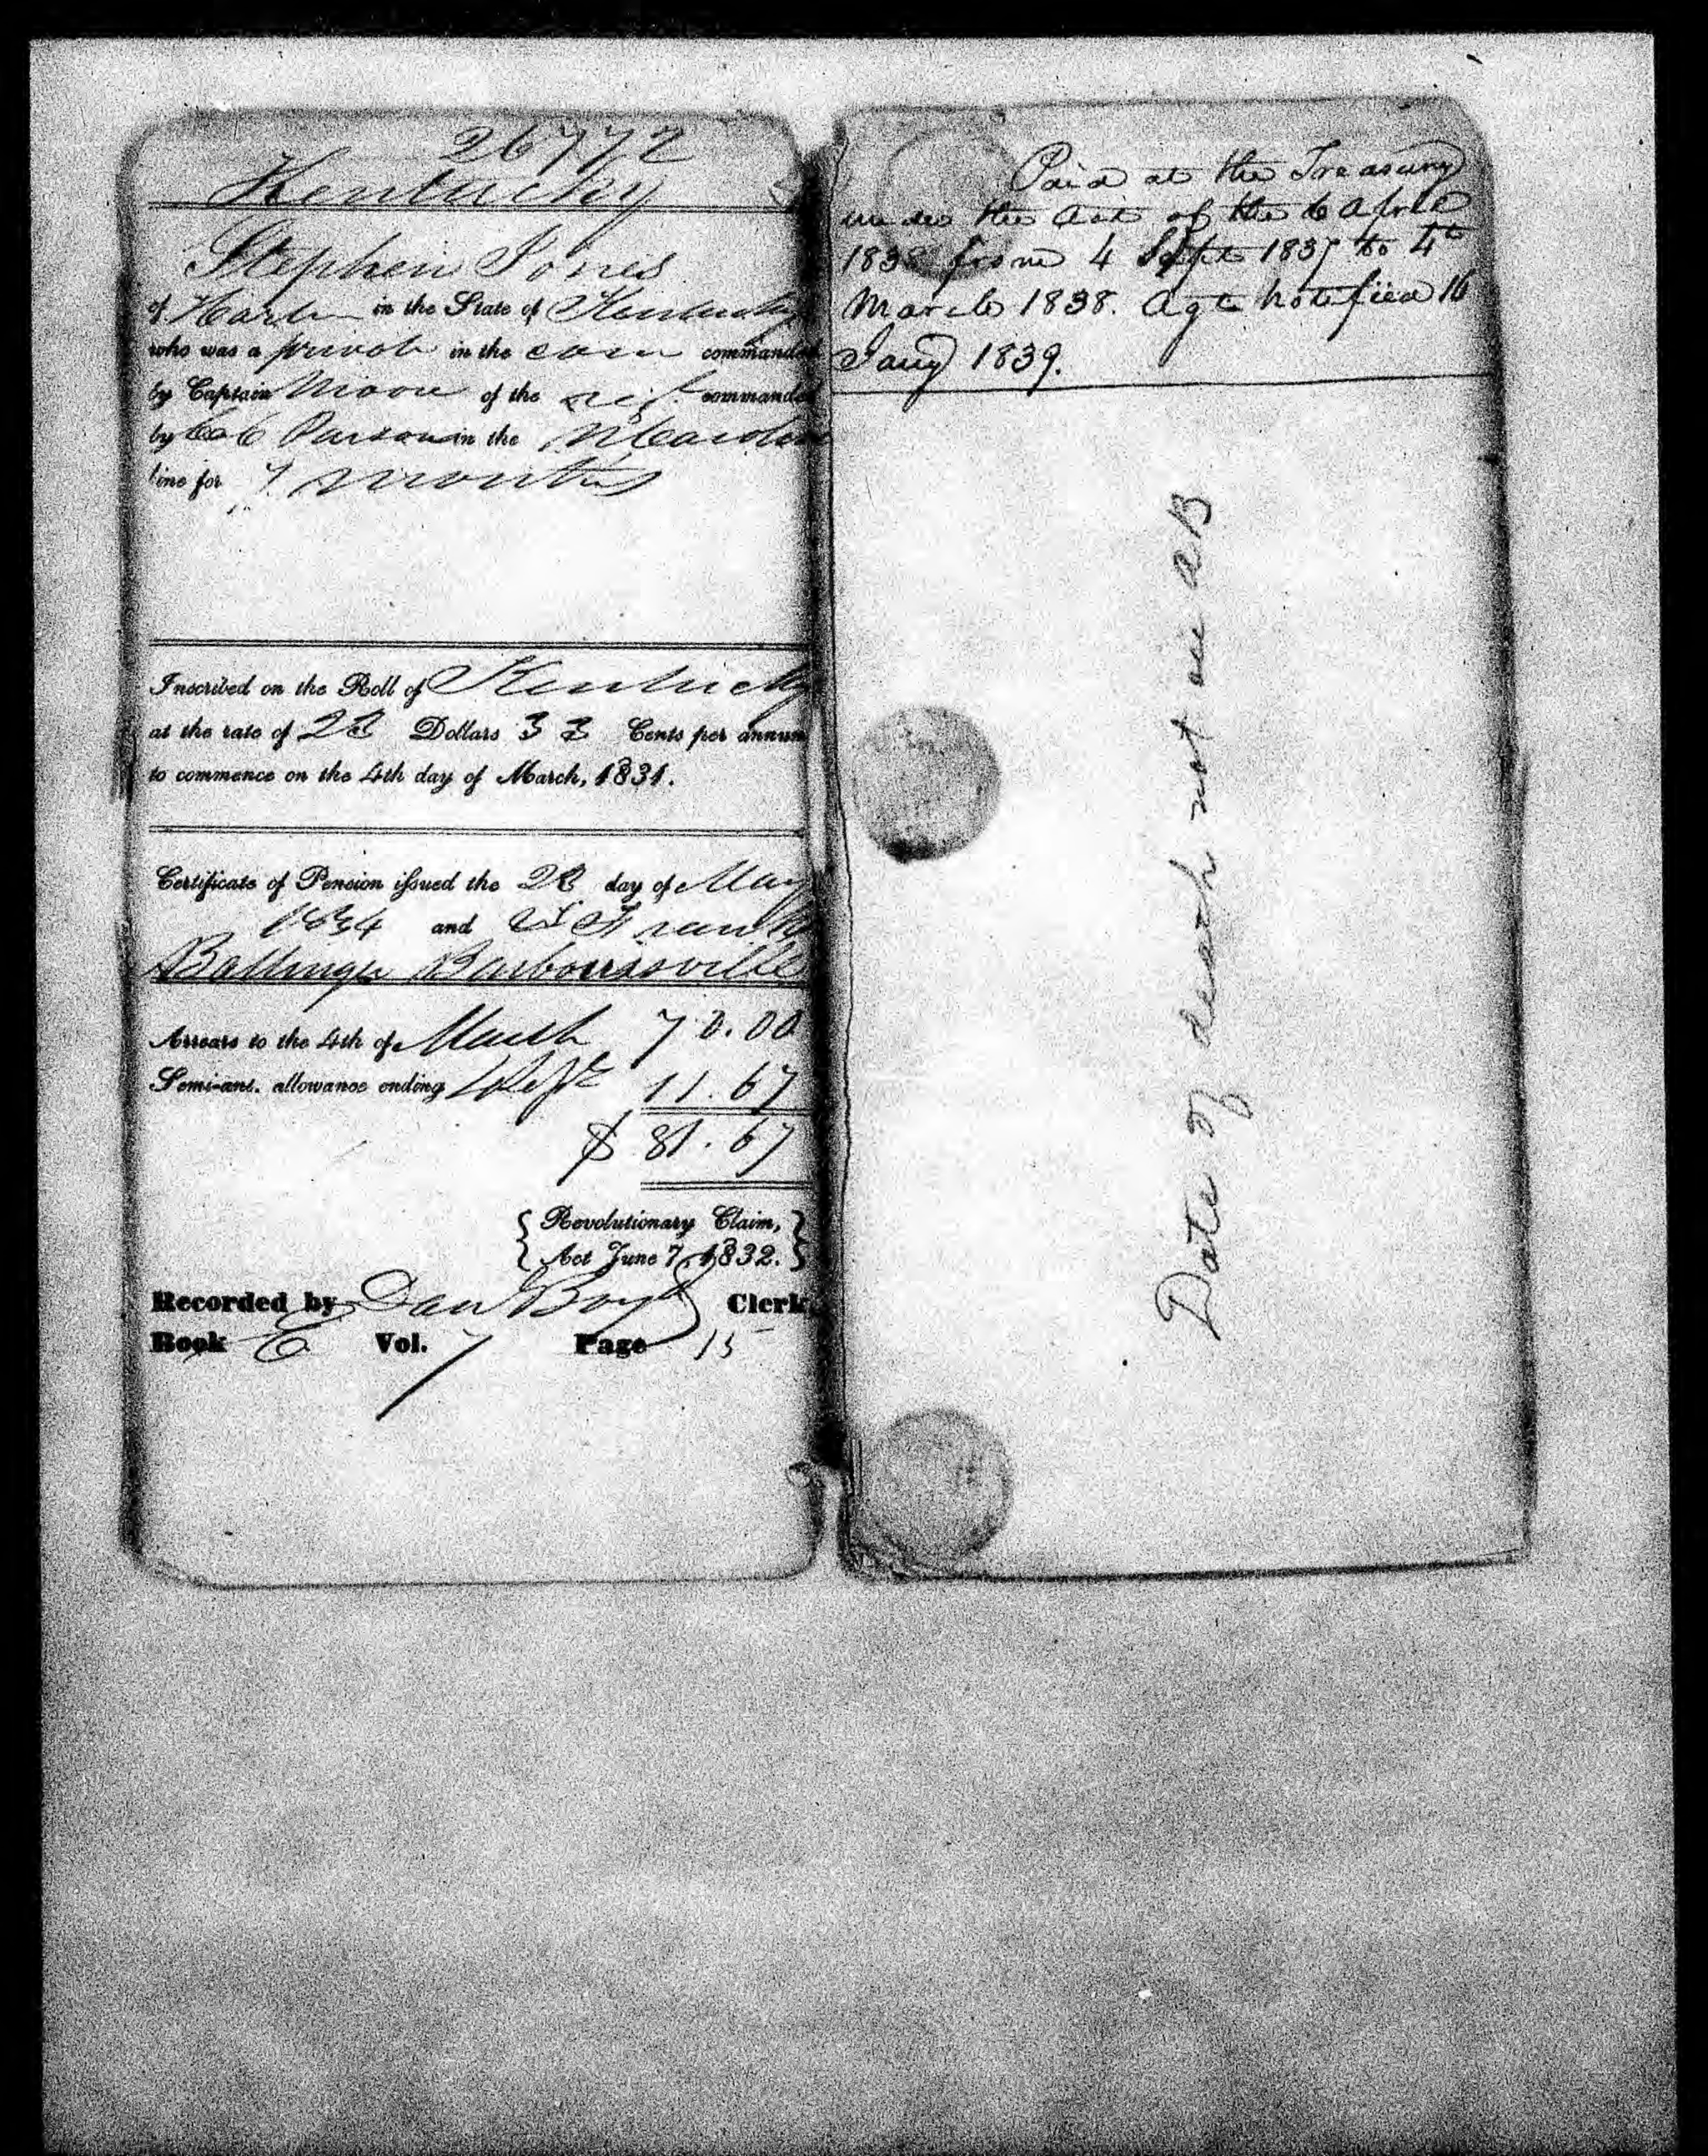26772
Kentucky
--------------------------------
Stephen Jones
of Harlan in the State of Kentucky
who was a private in the com commanded
by Captain Moore of the Regt. commanded
by Co C Parsons in the N Carolina
line for 7 months
---------------------------------
Inscribed on the Roll of Kentucky
at the rate of 23 Dollars 33 Cents per annum 
to commence on the 4th day of March, 1831.
-----------------------------------
Certificate of Pension issued the 23 day of May
1834 and [illegible] Frank
Ballinger Barboursville
-----------------------------------
Arrears to the 4th of March                70.00
Semi-anl. allowance ending 4 Sept    11.67
                                                          $81.67

{Revolutionary Claim,}
{Act June 7, 1832.      }

Recorded by Dan G Boyd Clerk
Book E  Vol. 7  Page 15

[notes on the upper right side of page]
Paid at the Treasury
under the Act of the 6 April
1838 from 4 Sept 1837 to 4th
March 1838.  Agt notified 16
Jany 1839.


[written vertically]
Date of death not on AB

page: 2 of 17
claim: survivor's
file: S. 38092, for Stephen Jones, North Carolina